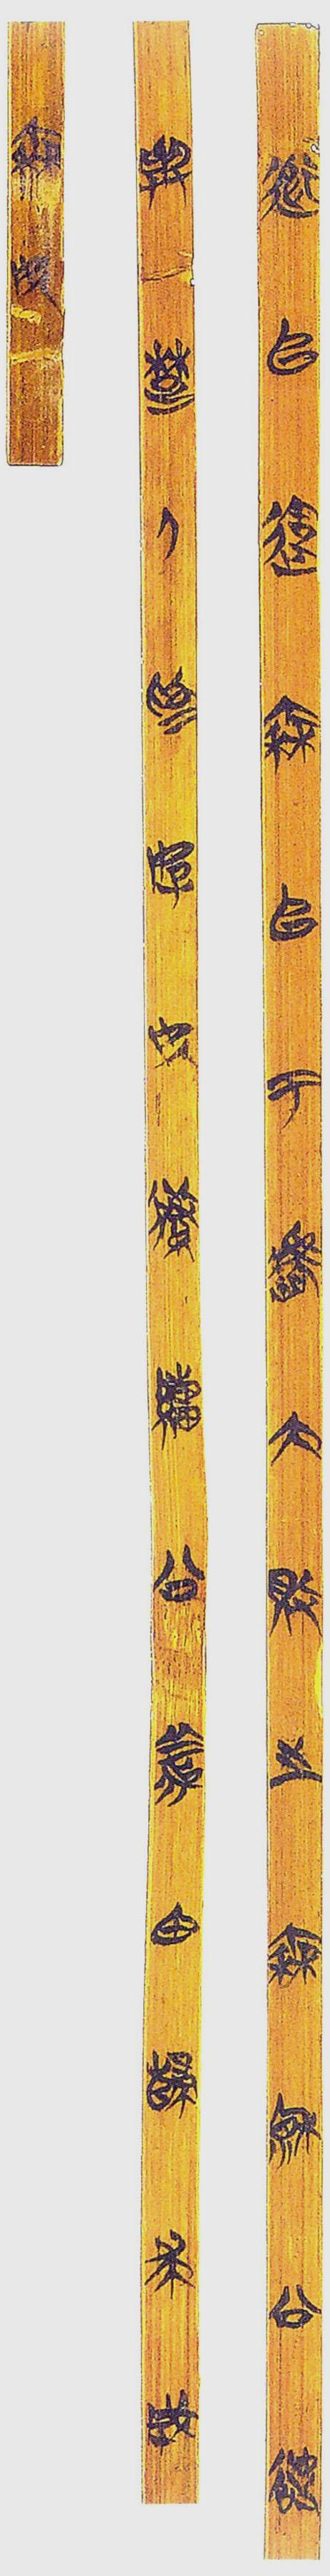{行幺止}𠂤御秦𠂤于{山虎口}大敗之秦穆公欲與楚人爲好𡚦{敓糸}{糸東田}公義囟{𡴎帚}求成秦𡚦
